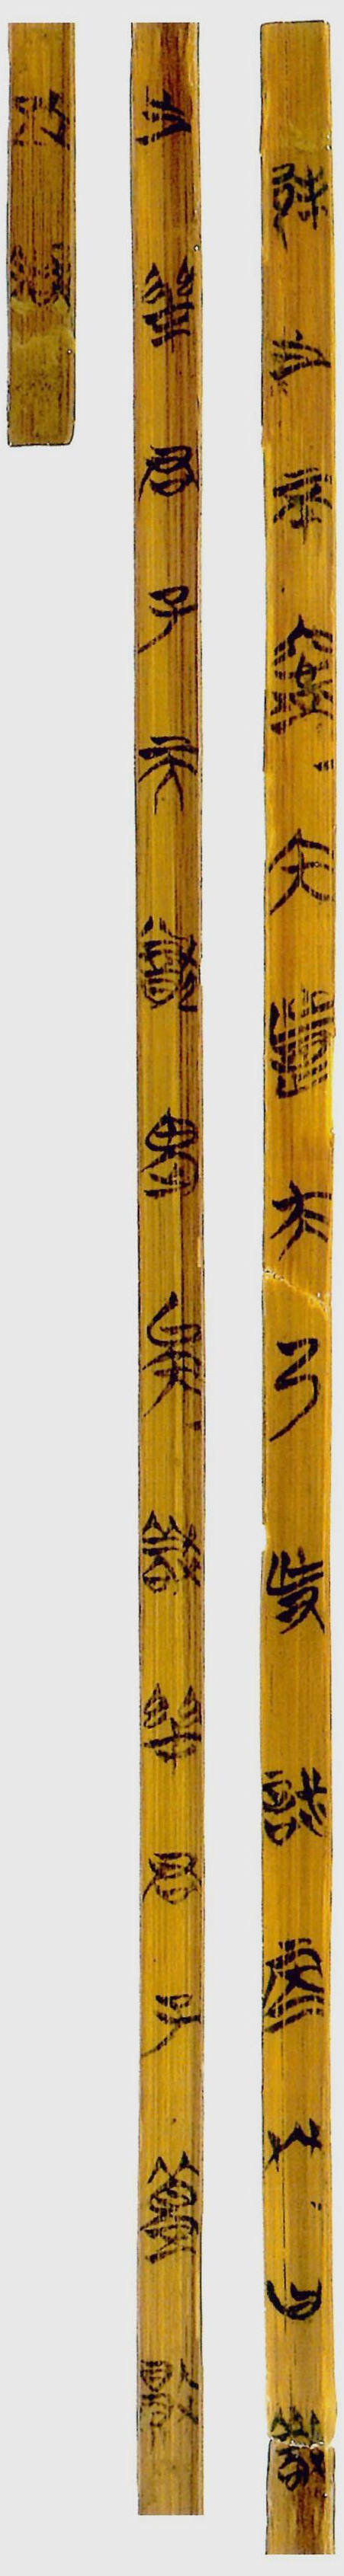邦之不{穴心皿}（寧）內良夫乃拃（作）䛑再夂曰敬之𪪋（哉）君子天猶畏矣敬𪪋（哉）君子{𦭝五}{貝貝攴}改䌛
